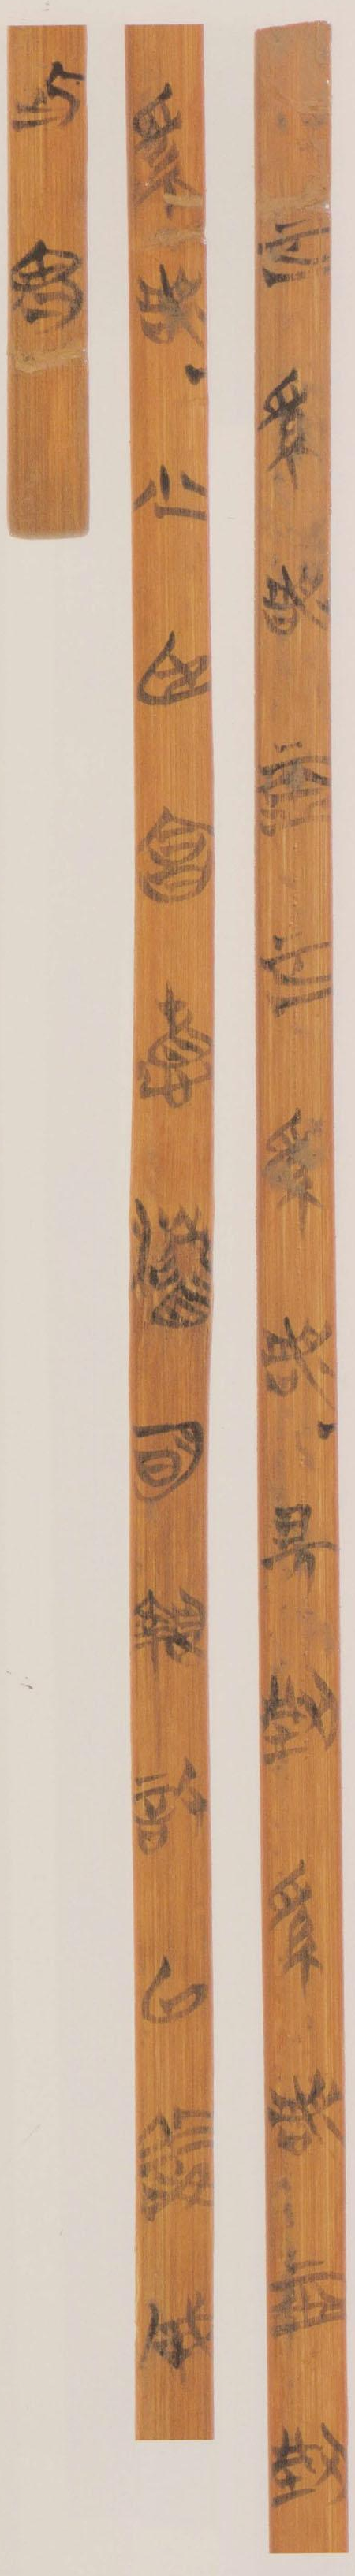正奚若亞正奚若𡵂型奚若亞型奚若少臣合惪濬明執信㠯（以）義成此胃
